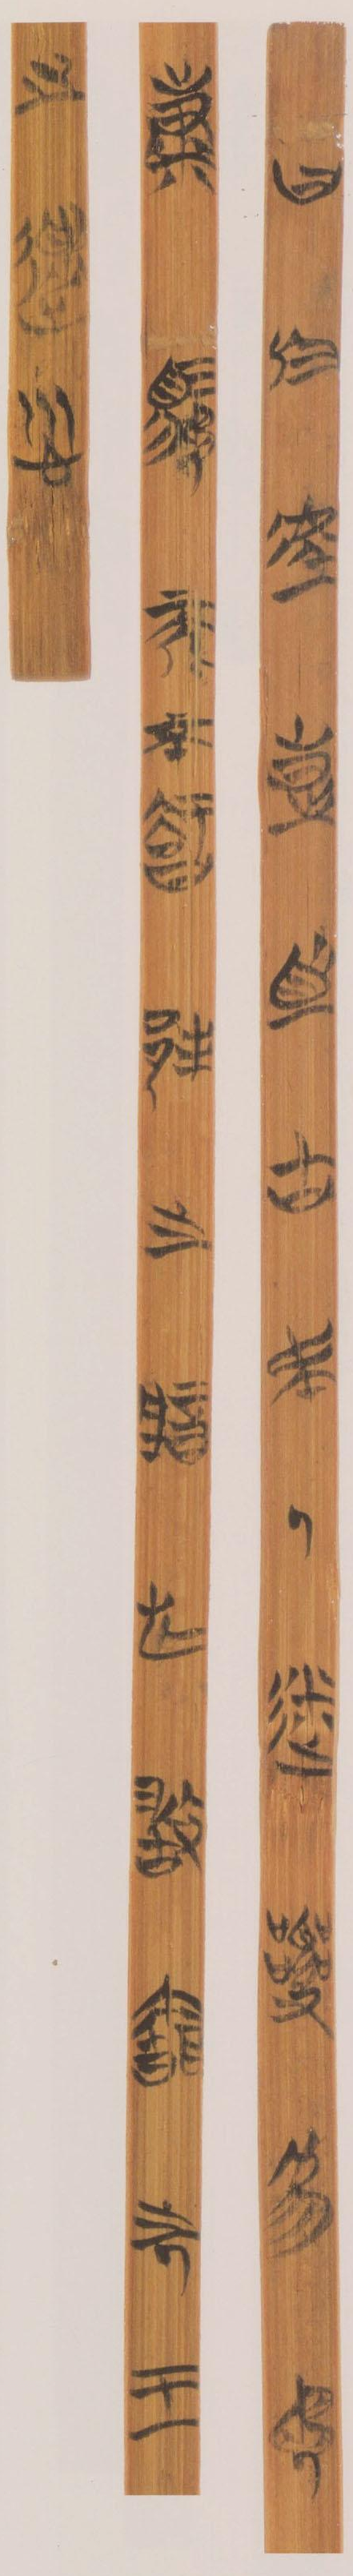曰於𫊟彭且古民人迷{𤔔㗊}象矛康{馬矛}而不智邦之𨟻{屮亡}敢{尒䎽}先王之遺{川心}
